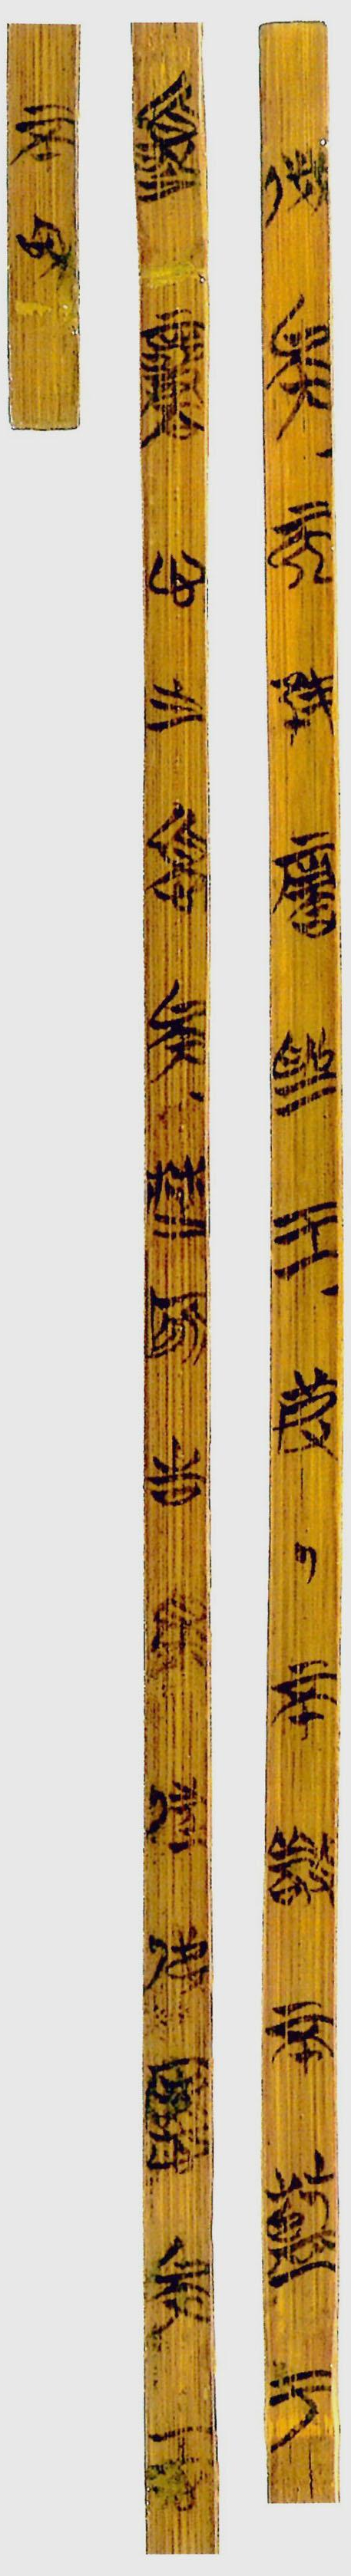俴矣而隹啻爲王皮人不敬不藍于{日止頁}（夏）商心之𢝊（憂）矣{𣏟止}所告眔{人㞷}俤慝矣{工心}不和
